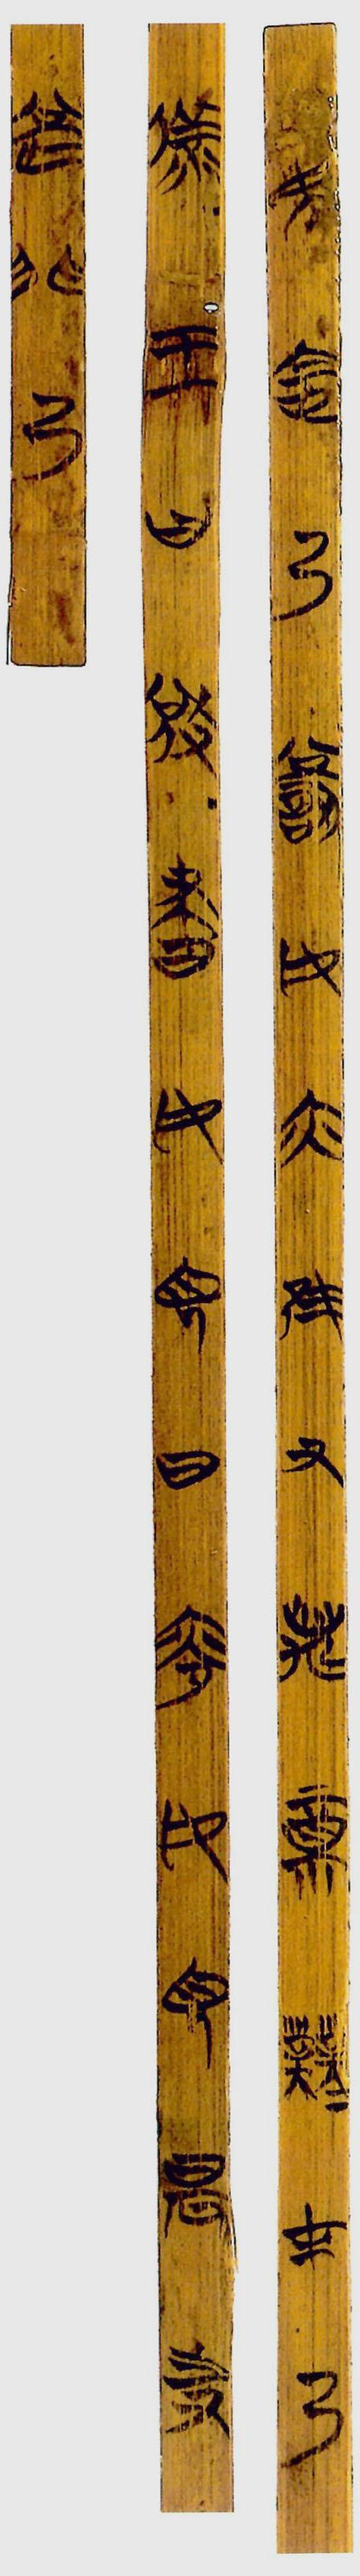民{宀𠁩}（仲）乃罰女亦隹又萬福{菐菐}=才乃備王曰敓（說）晝女見日夜女見晨寺罔非乃
